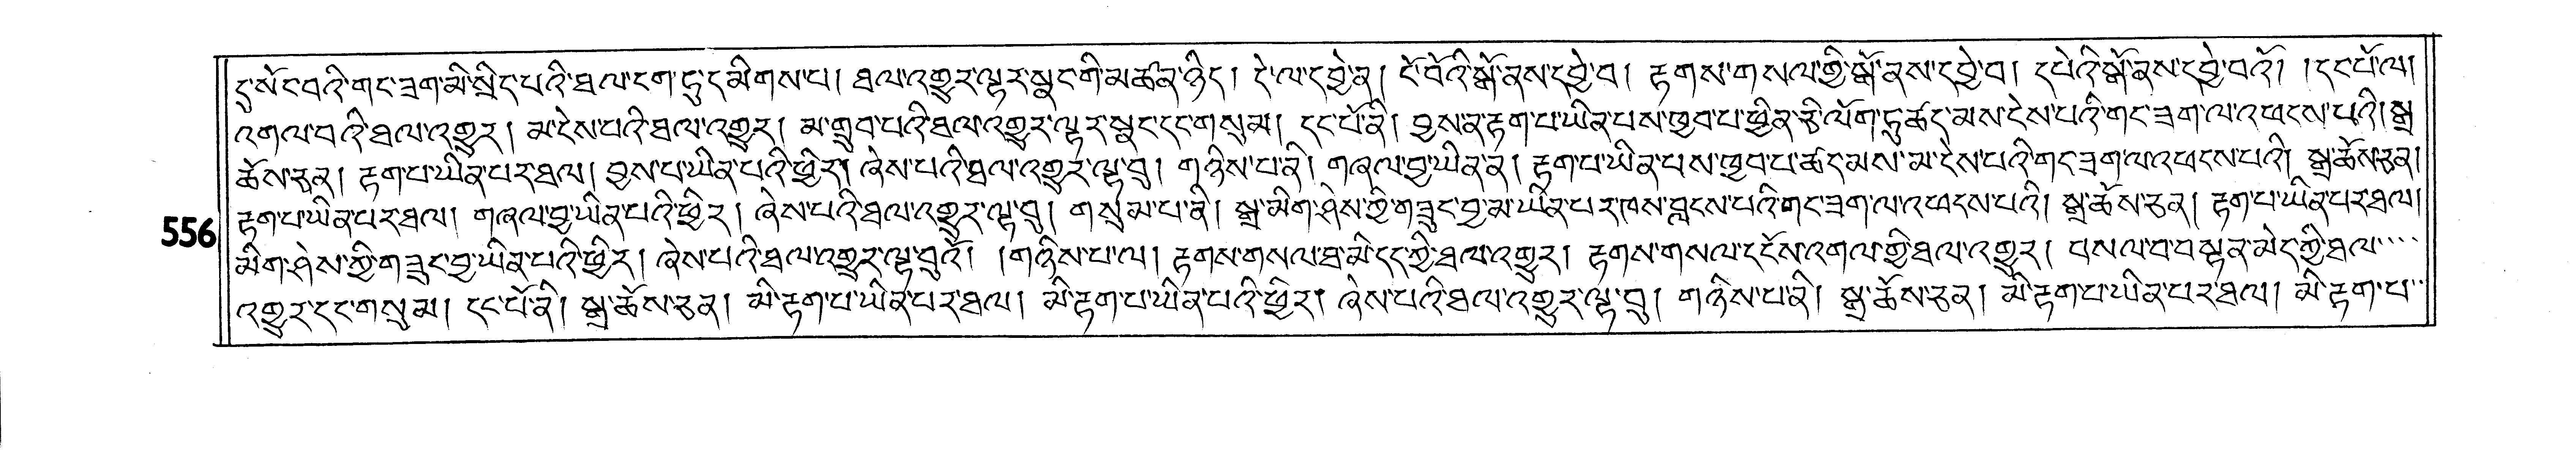དུ་སོང་བའི་གང་ཟག་མི་སྲིད་པའི་ཐལ་ངག་ཏུ་དམིགས་པ། ཐལ་འགྱུར་ལྷར་སྣང་གི་མཚན་ཉིད། དེ་ལ་དབྱེ་ན། ངོ་བོའི་སྒོ་ནས་དབྱེ་བ། རྟགས་གསལ་གྱི་སྒོ་ནས་དབྱེ་བ། དཔེའི་སྒོ་ནས་དབྱེ་བའོ། །དང་པོ་ལ།
འགལ་བའི་ཐལ་འགྱུར། མ་ངེས་པའི་ཐལ་འགྱུར། མ་གྲུབ་པའི་ཐལ་འགྱུར་ལྟར་སྣང་དང་གསུམ། དང་པོ་ནི། བྱས་ན་རྟག་པ་ཡིན་པས་ཁྱབ་པ་ཕྱིན་ཅི་ལོག་ཏུ་ཚད་མས་ངེས་པའི་གང་ཟག་ལ་འཕངས་པའི། སྒྲ་
ཆོས་ཅན། རྟག་པ་ཡིན་པར་ཐལ། བྱས་པ་ཡིན་པའི་ཕྱིར། ཞེས་པའི་ཐལ་འགྱུར་ལྟ་བུ། གཉིས་པ་ནི། གཞལ་བྱ་ཡིན་ན། རྟག་པ་ཡིན་པས་ཁྱབ་པ་ཚད་མས་མ་ངེས་པའི་གང་ཟག་ལ་འཕངས་པའི། སྒྲ་ཆོས་ཅན།
རྟག་པ་ཡིན་པར་ཐལ། གཞལ་བྱ་ཡིན་པའི་ཕྱིར། ཞེས་པའི་ཐལ་འགྱུར་ལྟ་བུ། གསུམ་པ་ནི། སྒྲ་མིག་ཤེས་ཀྱི་གཟུང་བྱ་མ་ཡིན་པར་ཁས་བླངས་པའི་གང་ཟག་ལ་འཕངས་པའི། སྒྲ་ཆོས་ཅན། རྟག་པ་ཡིན་པར་ཐལ།
མིག་ཤེས་ཀྱི་གཟུང་བྱ་ཡིན་པའི་ཕྱིར། ཞེས་པའི་ཐལ་འགྱུར་ལྟ་བུའོ། །གཉིས་པ་ལ། རྟགས་གསལ་ཐ་མི་དད་ཀྱི་ཐལ་འགྱུར། རྟགས་གསལ་དངོས་འགལ་གྱི་ཐལ་འགྱུར། བསལ་བ་བསྟན་མེད་ཀྱི་ཐལ་
འགྱུར་དང་གསུམ། དང་པོ་ནི། སྒྲ་ཆོས་ཅན། མི་རྟག་པ་ཡིན་པར་ཐལ། མི་རྟག་པ་ཡིན་པའི་ཕྱིར། ཞེས་པའི་ཐལ་འགྱུར་ལྟ་བུ། གཉིས་པ་ནི། སྒྲ་ཆོས་ཅན། མི་རྟག་པ་ཡིན་པར་ཐལ། མི་རྟག་པ་